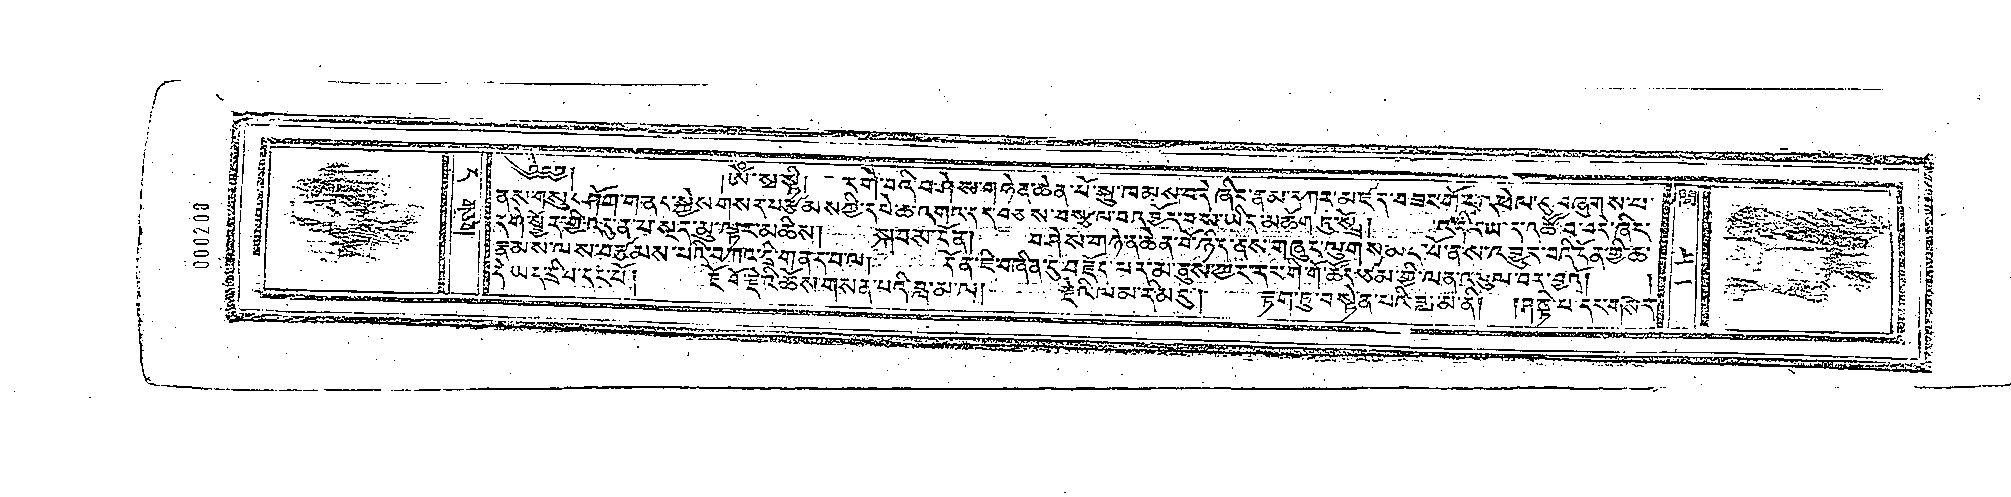༄༅༅། །ཨོཾ་སྭ་སྟི། དགེ་བའི་བཤེས་གཉེན་ཆེན་པོ་སྐུ་ཁམས་བདེ་ཞིང་རྣམ་དཀར་མཛད་བཟང་གོང་འཕེལ་དུ་བཞུགས་པ་
ནས་གསུང་ཤོག་གནང་སྐྱེས་གསར་པ་རྩམས་ཀྱི་དཔེ་ཆ་འགའ་དང་བཅས་བསྩལ་བ་འབྱོར་པས་ཡིད་མཆོག་ཏུ་སྤྲོ། འདིར་ཡང་འཚོ་བ་བདེ་ཞིང་
དགེ་སྦྱོར་གྱི་འདུན་པ་སྔར་མུ་ལྟར་མཆིས། སྐབས་དོན། བཤེས་གཉེན་ཆེན་བོ་ཉིད་ནས་གཞུང་ལུགས་མང་པོ་ནས་འབྱུང་བའི་དོན་གྱི་ཆ་
རྣམས་ལས་བརྩམས་པའི་བཀའ་དྲི་གནད་བ་ལ། དོན་ཇི་བཞིན་དུ་བརྗོད་པར་མ་ནུས་ཀྱང་རང་གི་གོ་ཚོད་ཙམ་གྱི་ལན་འབུལ་བར་བྱའོ། །
དེ་ཡང་དྲི་བ་དང་པོ། ཇོ་བོ་རྗེའི་ཆོས་གསན་པའི་བླ་མ་ལ། རྗེའི་ལམ་རིམ་དུ། རྟག་ཏུ་བསྟེན་པའི་བླ་མ་ནི། །ཤནྟི་པ་དང་གསེར་